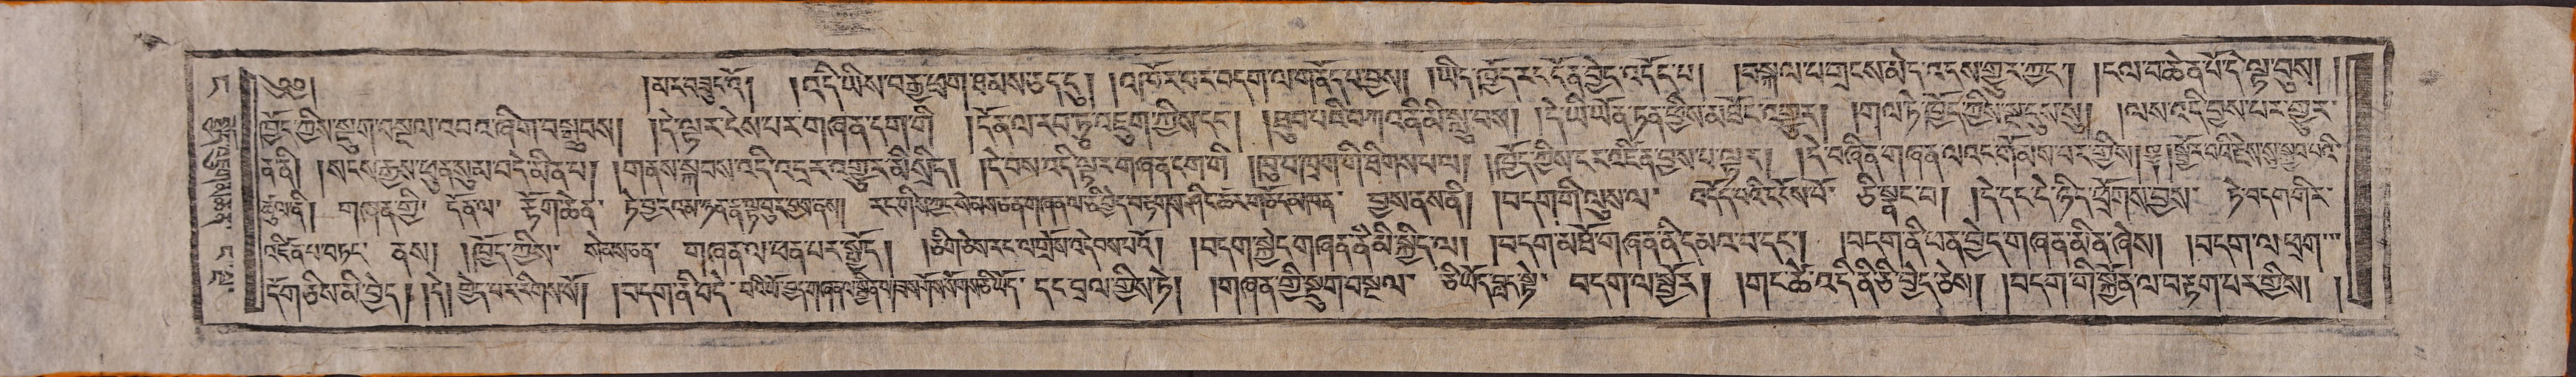༄༅། །མར་བཟུང་ངོ། །འདི་ཡིས་བརྒྱ་ཕྲག་ཐམས་ཅད་དུ། །འཁོར་བར་བདག་ལ་གནོད་པ་བྱས། །ཡིད་ཁྱོད་རང་དོན་བྱེད་འདོད་པ། །བསྐལ་བ་གྲངས་མེད་འདས་གྱུར་ཀྱང་། །ངལ་བ་ཆེན་པོ་དེ་ལྟ་བུས། །
ཁྱོད་ཀྱིས་སྡུག་བསྔལ་འབའ་ཞིག་བསྒྲུབས། །དེ་ལྟར་ངེས་པར་གཞན་དག་གི། །དོན་ལ་རབ་ཏུ་འཇུག་གྱིས་དང་། །ཐུབ་པའི་བཀའ་ནི་མི་སླུ་བས། །དེ་ཡི་ཡོན་ཏན་ཕྱིས་མཐོང་འགྱུར། །གལ་ཏེ་ཁྱོད་ཀྱིས་སྔ་དུས་སུ། །ལས་འདི་བྱས་པར་གྱུར་
ན་ནི༑ ༑སངས་རྒྱས་ཕུན་སུམ་བདེ་མིན་པ། །གནས་སྐབས་འདི་འདྲར་འགྱུར་མི་སྲིད། །དེ་བས་འདི་ལྟར་གཞན་དག་གི །ཁུ་བ་ཁྲག་གི་ཐིགས་པ་ལ། །ཁྱོད་ཀྱིས་ངར་འཛིན་བྱས་པ་ལྟར། །དེ་བཞིན་གཞན་ལའང་གོམས་པར་གྱིས། ༈ །སྦྱོར་བའི་རྗེས་སུ་སྒྲུབ་པའི་
ཚུལ་ནི། གཞན་གྱི་དོན་ལ་རྟོག་ཆེན་ཏེ་བྱ་རའམ་མན་རྣ་ལྟ་བུར་བྱས་ནས། རང་གིས་ཀྱང་སེམས་ཅན་གཞན་ལ་ཅི་བྱེད་པ་རྟགས་ཤིང་ཚར་གཅོད་མཁན་བྱས་ནས་ནི། །བདག་གི་ལུས་ལ་འདོད་པའི་དངོས་པོ་ཅི་སྣང་བ། །དེ་དང་དེ་ཉིད་ཕྲོགས་བྱས། །ཏེ་བདག་གིར་
འཛིན་པ་བཏང་ནས། །ཁྱོད་ཀྱིས་སེམས་ཅན་གཞན་ལ་ཕན་པར་སྤྱོད། །ཅིག་ཅེས་རང་ལ་གྲོས་འདེབས་པའོ།  །བདག་སྐྱིད་གཞན་ནི་མི་སྐྱིད་ལ། །བདག་མཐོ་གཞན་ནི་དམའ་བ་དང་། །བདག་ནི་ཕན་བྱེད་གཞན་མིན་ཞེས། །བདག་ལ་ཕྲག་
དོག་ཅིས་མི་བྱེད། །དེ། བྱེད་པར་རིགས་སོ།  །བདག་ནི་བདེ་བའི་ཡོ་བྱད་གཞན་ལ་སྦྱིན་ལ། ཟས་གོས་སོགས་ཅི་ཡོད་དང་བྲལ་གྱིས་ཏེ། །གཞན་གྱི་སྡུག་བསྔལ་ཅི་ཡོད་བླང་སྟེ་བདག་ལ་སྦྱོར། །གང་ཚེ་འདི་ནི་ཅི་བྱེད་ཅེས། །བདག་གི་སྐྱོན་ལ་བརྟག་པར་གྱིས། །